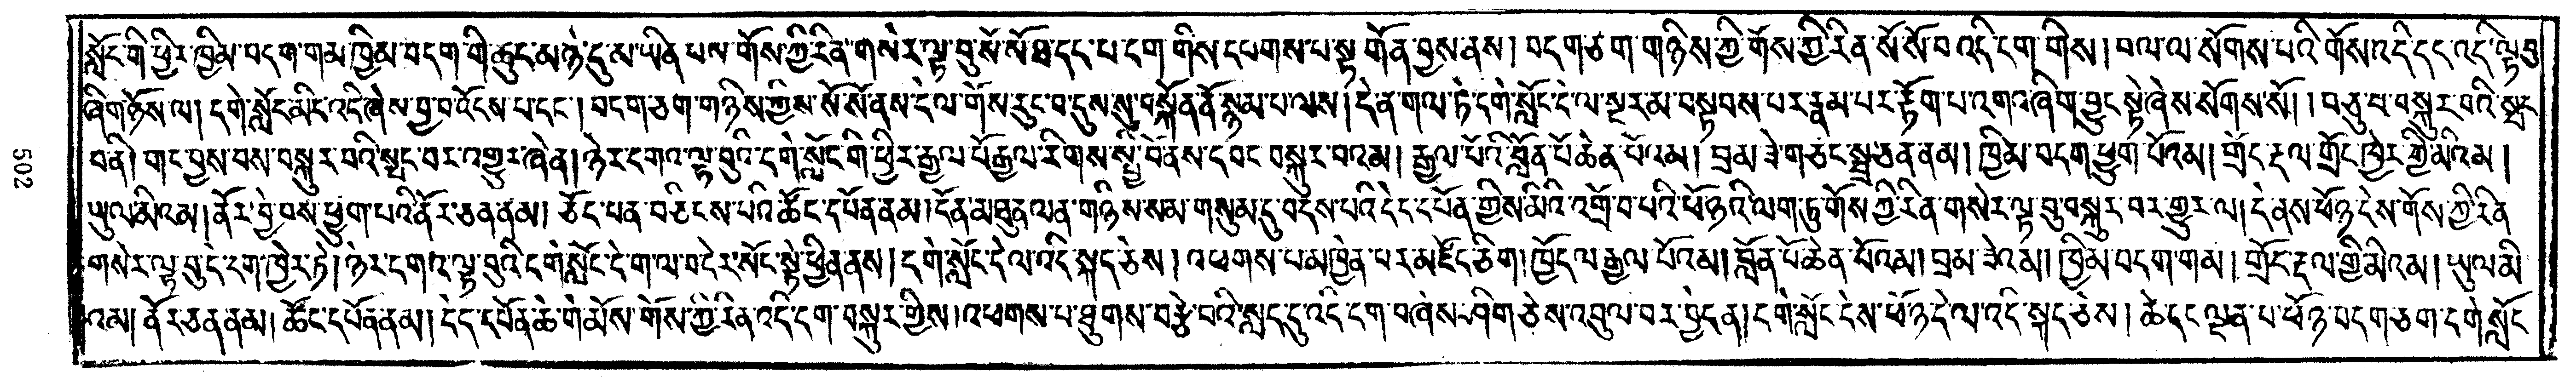སློང་གི་ཕྱིར་ཁྱིམ་བདག་གམ་ཁྱིམ་བདག་གི་ཆུང་མ་ཉེ་དུ་མ་ཡིན་པས་གོས་ཀྱི་རིན་གསེར་ལྟ་བུ་སོ་སོ་ཐ་དད་པ་དག་གིས་དཔགས་པ་སྟ་གོན་བྱས་ནས། བདག་ཅག་གཉིས་ཀྱི་གོས་ཀྱི་རིན་སོ་སོ་བ་འདི་དག་གིས། བལ་ལ་སོགས་པའི་གོས་འདི་དང་འདི་ལྟ་བུ་
ཞིག་ཉོས་ལ། དགེ་སློང་མིང་འདི་ཞེས་བྱ་བ་འོངས་པ་དང་། བདག་ཅག་གཉིས་ཀྱིས་སོ་སོ་ནས་དེ་ལ་གོས་རུང་བ་དུས་སུ་བསྐོན་ནོ་སྙམ་པ་ལས། དེ་ན་གལ་ཏེ་དགེ་སློང་དེ་ལ་སྔར་མ་བསྟབས་པར་རྣམ་པར་རྟོག་པ་འགའ་ཞིག་བྱུང་སྟེ་ཞེས་སོགས་སོ། །བཅུ་པ་བསྐུར་བའི་སྤང་
བ་ནི། གང་བྱས་བས་བསྐུར་བའི་སྤང་བར་འགྱུར་ཞེ་ན། ཉེར་དགའ་ལྟ་བུའི་དགེ་སློང་གི་ཕྱིར་རྒྱལ་པོ་རྒྱལ་རིགས་སྤྱི་བོ་ནས་དབང་བསྐུར་བའམ། རྒྱལ་པོའི་བློན་པོ་ཆེན་པོའམ། བྲམ་ཟེ་གཙང་སྦྲ་ཅན་ནམ། ཁྱིམ་བདག་ཕྱུག་པོའམ། གྲོང་རྡལ་གྲོང་ཁྱེར་གྱི་མིའམ།
ཡུལ་མིའམ། ནོར་བྱེ་བས་ཕྱུག་པའི་ནོར་ཅན་ནམ། ཅོང་པན་བཅིངས་པའི་ཚོང་དཔོན་ནམ། དོན་མཐུན་ལན་གཉིས་སམ་གསུམ་དུ་བདས་པའི་དེད་དཔོན་གྱིས་མིའི་འགྲོ་བ་པའི་ཕོ་ཉའི་ལག་ཏུ་གོས་ཀྱི་རིན་གསེར་ལྟ་བུ་བསྐུར་བར་གྱུར་ལ། དེ་ནས་ཕོ་ཉ་དེས་གོས་ཀྱི་རིན་
གསེར་ལྟ་བུ་དེ་དག་ཁྱེར་ཏེ། ཉེར་དགའ་ལྟ་བུའི་དགེ་སློང་དེ་ག་ལ་བ་དེར་སོང་སྟེ་ཕྱིན་ནས། དགེ་སློང་དེ་ལ་འདི་སྐད་ཅེས། འཕགས་པ་མཁྱེན་པར་མཛོད་ཅིག། ཁྱོད་ལ་རྒྱལ་པོའམ། བློན་པོ་ཆེན་པོའམ། བྲམ་ཟེའམ། ཁྱིམ་བདག་གམ། གྲོང་རྡལ་གྱི་མིའམ། ཡུལ་མི་
འམ། ནོར་ཅན་ནམ། ཚོང་དཔོན་ནམ། དེད་དཔོན་ཆེ་གེ་མོས་གོས་ཀྱི་རིན་འདི་དག་བསྐུར་གྱིས། འཕགས་པ་ཐུགས་བརྩེ་བའི་སླད་དུ་འདི་དག་བཞེས་ཤིག་ཅེས་འབུལ་བར་བྱེད་ན། དགེ་སློང་ངེས་ཕོ་ཉ་དེ་ལ་འདི་སྐད་ཅེས། ཚེ་དང་ལྡན་པ་ཕོ་ཉ་བདག་ཅག་དགེ་སློང་